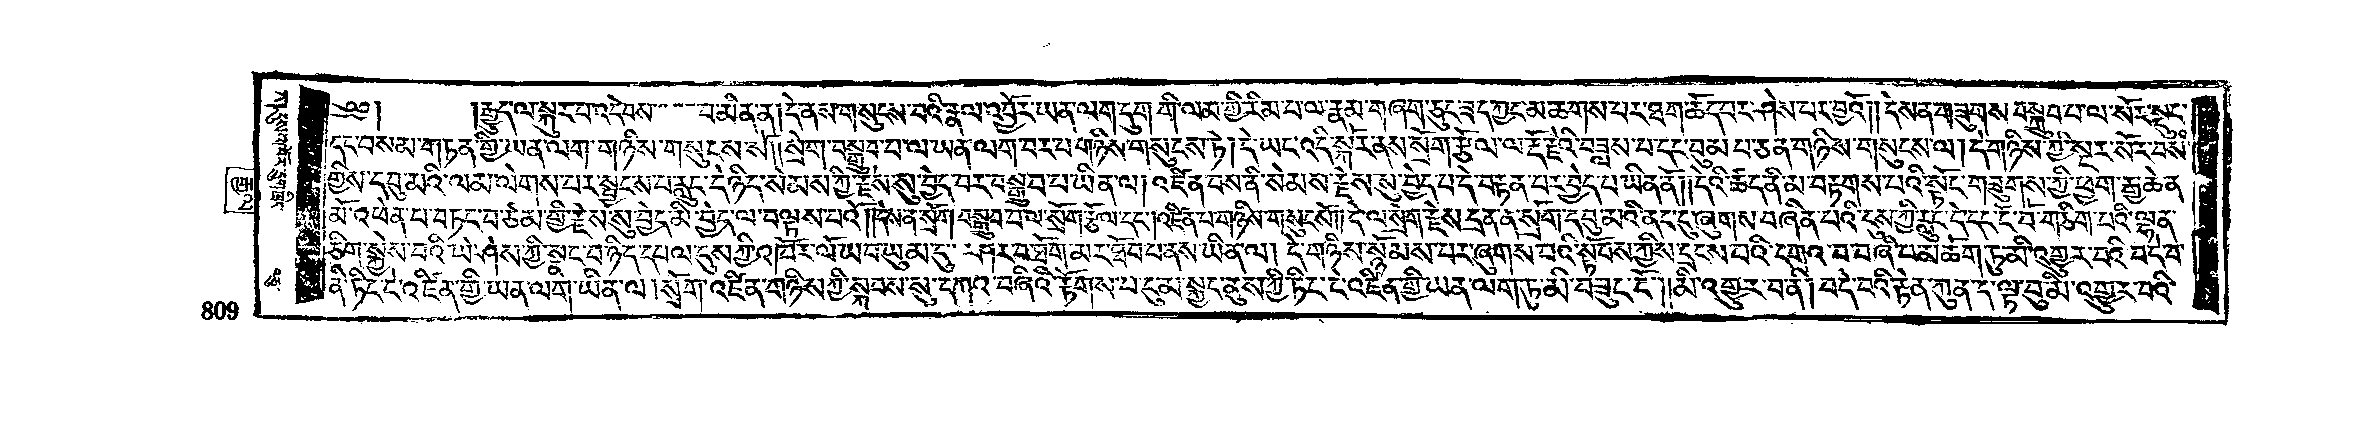༄༅། །རྒྱུད་ལ་སྐུར་བ་འདེབས་པ་མིན་ན། དེ་ནས་གསུངས་པའི་རྣལ་འབྱོར་ཡན་ལག་དུག་གི་ལམ་གྱི་རིམ་པ་ལ་རྣམ་གཞག་ཅུང་ཟད་ཀྱང་མ་ཆགས་པར་ཐོག་ཆོད་པར་ཤེས་པར་བྱའོ། །དེས་ན་གཟུགས་བསྒྲུབ་པ་ལ་སོར་སྡུད་
དང་བསམ་གཏན་གྱི་ཡན་ལག་གཉིས་གསུངས་སོ། །སྲེག་བསྒྲུབ་པ་ལ་ཡན་ལག་བར་པ་གཉིས་གསུངས་ཏེ། དེ་ཡང་འདི་སྐོར་ནས་སྲོག་རྩོལ་ལ་རྡོ་རྗེའི་བཟླས་པ་དང་བུམ་པ་ཅན་གཉིས་གསུངས་ལ། དེ་གཉིས་ཀྱི་སྔར་སོར་བསམ་
གྱིས་དབུ་མའི་ལམ་ལེགས་པར་སྦྱངས་པ་རླུང་དེ་ཉིད་སེམས་ཀྱི་རྗེས་སུ་བྱེད་པར་བསྒྲུབ་པ་ཡིན་ལ། འཛིན་པས་ནི་སེམས་རྗེས་སུ་བྱེད་པ་དེ་བརྟན་པར་བྱེད་པ་ཡིན་ནོ། །དེའི་ཚད་ནི་མ་བརྟགས་པའི་སྟོང་གཟུགས་ཀྱི་ཕྱག་རྒྱ་ཆེན་
མོ་འཕེན་པ་བཏང་པ་ཙམ་གྱི་རྗེས་སུ་བྱེད་མི་བྱེད་ལ་བལྟས་པའོ། །དེས་ན་སྲོག་བསྒྲུབ་པ་ལ་སྲོག་རྩོལ་དང་། འཛིན་པ་གཉིས་གསུངས་སོ། །དེ་ལ་སྲོག་རྗེས་དྲན་ན་སྲོག་དབུ་མའི་ནང་དུ་ཞུགས་བཞིན་པའི་དུས་ཀྱི་རླུང་དེ་དང་ངོ་བོ་གཅིག་པའི་ལྷན་
ཅིག་སྐྱེས་པའི་ཡེ་ཤེས་ཀྱི་སྣང་བ་ཉིད་དཔལ་དུས་ཀྱི་འཁོར་ལོ་ཡབ་ཡུམ་དུ་ཤར་བ་ཐོག་མར་ཐོབ་པ་ནས་ཡིན་ལ། དེ་གཉིས་སྙོམས་པར་ཞུགས་པའི་སྟོབས་ཀྱིས་དྲངས་པའི་དགའ་བ་བཞི་པ་མཆོག་ཏུ་མི་འགྱུར་བའི་བདེ་བ་
ནི་ཏིང་ངེ་འཛིན་གྱི་ཡན་ལག་ཡིན་ལ། སྲོག་འཛིན་གཉིས་ཀྱི་སྐབས་སུ་དཀའ་བཞིའི་རྟོགས་པ་དུ་མ་སྐྱེད་ནུས་ཀྱི་ཏིང་ངེ་འཛིན་གྱི་ཡན་ལག་ཏུ་མི་བཟུང་ངོ། །མི་འགྱུར་བ་ནི། བདེ་བའི་རྟེན་ཀུན་ད་ལྟ་བུ་མི་འགྱུར་བའི་